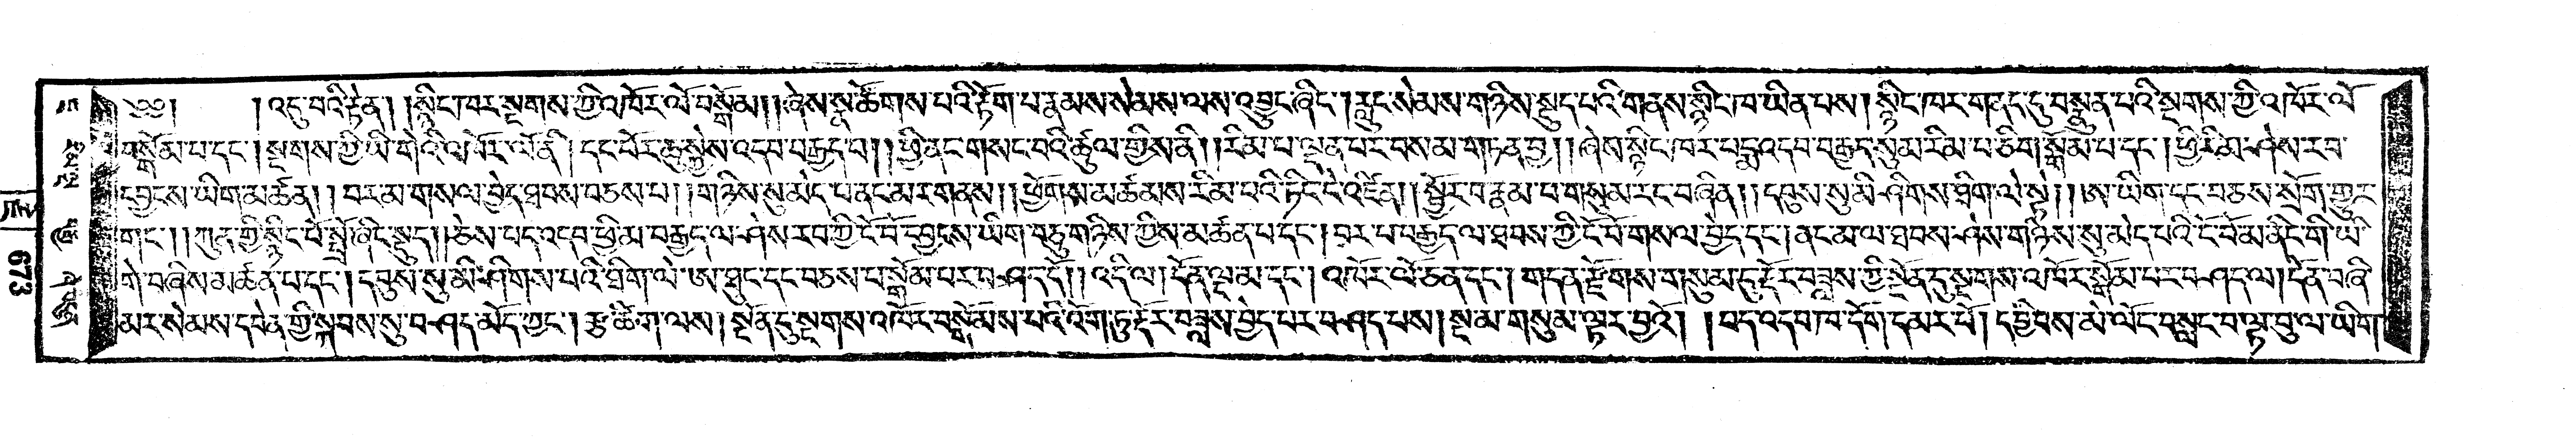༄༅། །འདུ་བའི་རྟེན། །སྙིང་ཁར་སྔགས་ཀྱི་འཁོར་ལོ་བསྒོམ། །ཞེས་སྣ་ཚོགས་པའི་རྟོག་པ་རྣམས་སེམས་ལས་འབྱུང་ཞིང་། རླུང་སེམས་གཉིས་སྡུད་པའི་གནས་སྙིང་ཁ་ཡིན་པས། སྙིང་ཁར་གནད་དུ་བསྣུན་པའི་སྔགས་ཀྱི་འཁོར་ལོ་
བསྒོམ་པ་དང་། སྔགས་ཀྱི་ཡི་གེའི་འཁོར་ལོ་ནི། དང་པོར་ཆུ་སྐྱེས་འདབ་བརྒྱད་པ། །ཕྱི་ནང་གསང་བའི་ཚུལ་གྱིས་ནི། །རིམ་པ་ལྡན་པར་བསམ་གཏན་བྱ། །ཞེས་སྙིང་ཁར་པདམ་འདབ་བརྒྱད་སུམ་རིམ་པ་ཅིག་སྒོམ་པ་དང་། ཕྱི་རིམ་ཤེས་རབ་
དབྱངས་ཡིག་མཚན། །བར་མ་གསལ་བྱེད་ཐབས་བཅས་པ། །གཉིས་སུ་མེད་པ་ནང་མར་གནས། །ཕྱོགས་མཚམས་རིམ་པའི་ཏིང་ངེ་འཛིན། །སྦྱོར་བ་རྣམ་པ་གསུམ་རང་བཞིན། །དབུས་སུ་མི་ཤིགས་ཐིག་ལེ་སྟེ། །ཨ་ཡིག་དང་བཅས་སྲོག་གྱུར་
གང་། །ཀུན་གྱི་སྙིང་པོ་སྤྲོ་ཞིང་སྡུད། །ཅེས་པད་འདབ་ཕྱི་མ་བརྒྱད་ལ་ཤེས་རབ་ཀྱི་ངོ་བོ་དབྱངས་ཡིག་བཅུ་གཉིས་ཀྱིས་མཚན་པ་དང་། བར་པ་བརྒྱད་ལ་ཐབས་ཀྱི་ངོ་བོ་གསལ་བྱེད་དང་། ནང་མ་ལ་ཐབས་ཤེས་གཉིས་སུ་མེད་པའི་ངོ་བོ་མ་ནིང་གི་ཡི་
གེ་བཞིས་མཚན་པ་དང་། དབུས་སུ་མི་ཤིགས་པའི་ཐིག་ལེ་ཨ་ཐུང་དང་བཅས་པ་སྒོམ་པར་བཤད་དོ། །འདི་ལ། དོན་ལྔ་མ་དང་། འཁོར་ལོ་ཅན་དང་། གདན་རྫོགས་གསུམ་དུ་རྡོར་བཟླས་ཀྱི་སྔོན་དུ་སྔགས་འཁོར་སྒོམ་པར་བཤད་ལ། དོན་བཞི་
མར་སེམས་དབེན་གྱི་སྐབས་སུ་བཤད་མོད་ཀྱང་། རྩ་ཚིག་ལས། སྔོན་དུ་སྔགས་འཁོར་བསྒོམས་པའི་འོག་ཏུ་རྡོར་བཟླས་བྱེད་པར་བཤད་པས། སྔ་མ་གསུམ་ལྟར་བྱའོ། །པད་འདབ་ཁ་དོག་དམར་པོ། དབྱིབས་མེ་ལོང་བསླང་བ་ལྟ་བུ་ལ་ཡིག་